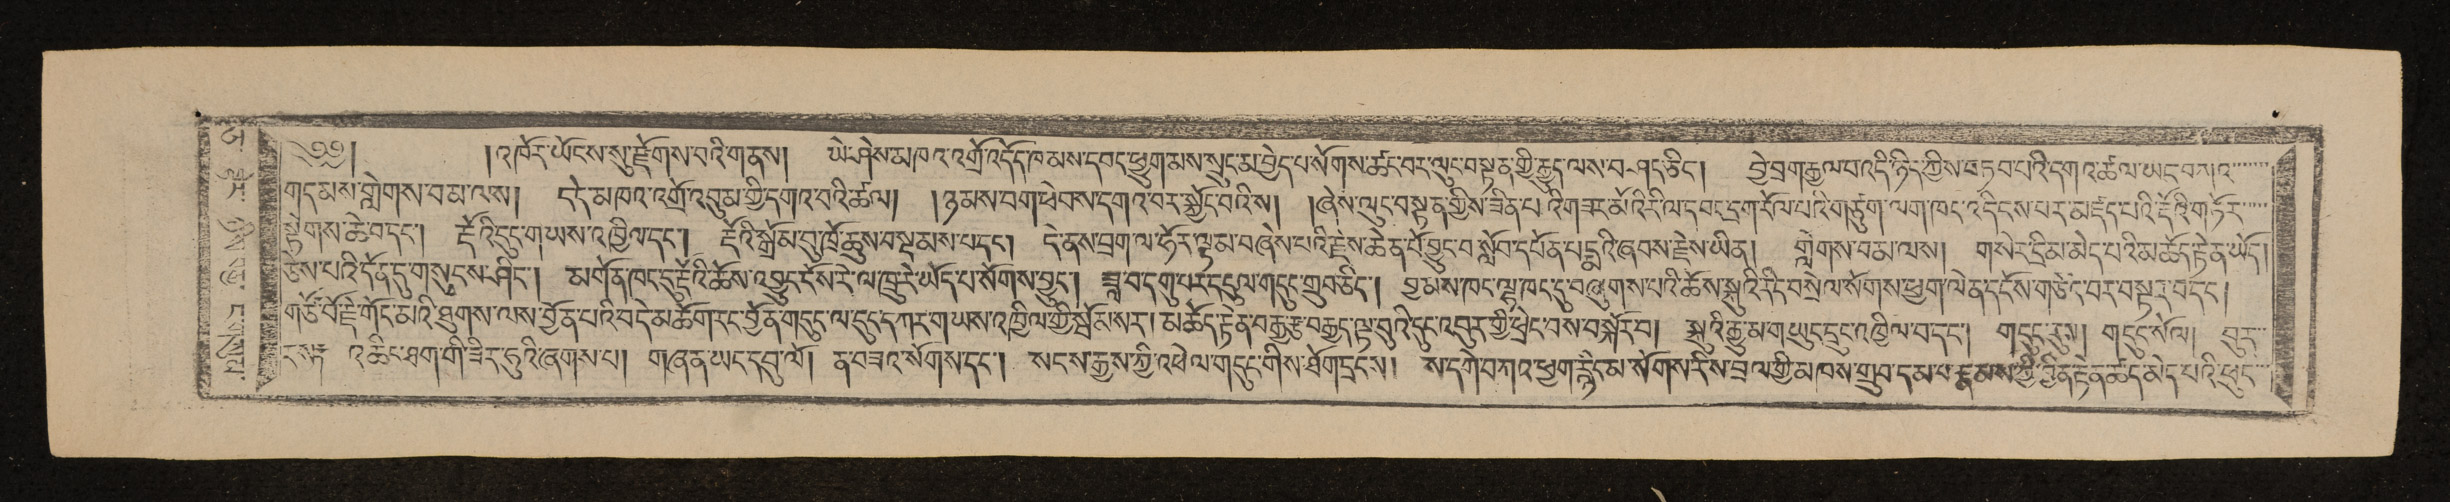༄༅། །འཁོར་ཡོངས་སུ་རྫོགས་པའི་གནས། ཡེ་ཤེས་མཁའ་འགྲོ་འདོད་ཁམས་དབང་ཕྱུག་མས་སྲུང་མ་བྱེད་པ་སོགས་ཚང་བར་ལུང་བསྟན་གྱི་རྒྱུད་ལས་བཤད་ཅིང་། བྱེ་བྲག་རྒྱལ་བ་འདི་ཉིད་ཀྱིས་བཏབ་པའི་དགའ་ཚལ་ཡང་བཀའ་
གདམས་གླེགས་བམ་ལས། ངེད་མཁའ་འགྲོ་འབུམ་གྱི་དགའ་བའི་ཚལ། །ཉམས་བག་ཕེབས་དགའ་བར་སྐྱོང་བའི་ས། །ཞེས་ལུང་བསྟན་གྱིས་ཟིན་པའི་གཟར་མོའི་རི་ལ་དབང་དྲག་རོལ་བའི་གཙུག་ལག་ཁན་འདིངས་པར་མཛད་པའི་རྡོའི་གཏོར་
སྟེགས་ཆེ་བ་དང་། རྡོའི་དུང་གཡས་འཁྱིལ་དང་། རྡོའི་སྒྲོམ་བུ་ཁྲོ་ཆུས་བསྡམས་པ་དང་། དེ་ནས་བྲག་ལ་ཧོར་ལྷམ་བཞེས་པའི་རྗེས་ཆེན་པོ་བྱུང་བ་སློབ་དཔོན་པདམའི་ཞབས་རྗེས་ཡིན། གླེགས་བམ་ལས། གསེར་དྲི་མ་མེད་པའི་མཆོད་རྟེན་ཡོད།
ཅེས་པའི་དོན་དུ་གསུངས་ཤིང་། མགོན་ཁང་དུ་རྡོའི་ཆོས་འབྱུང་ངོས་རེ་ལ་ཁྲུ་རེ་ཡོད་པ་སོགས་བྱུང་། ཟླ་བ་དགུ་པར་དངུལ་གདུང་གྲུབ་ཅིང་། བྱམས་ཁང་ལྷ་ཁང་དུ་བཞུགས་པའི་ཆོས་སྐུའི་རིང་བསྲེལ་སོགས་ཕྱག་ལེན་དངོས་གཙང་བར་བསྟར་བ་དང་།
གཙོ་བོ་རྗེ་གོང་མའི་ཐུགས་ལས་བྱོན་པའི་བདེ་མཆོག་རང་བྱོན་གདུང་ལ་དུང་དཀར་གཡས་འཁྱིལ་གྱི་སྦོམ་སར། མཆོད་རྟེན་བརྒྱ་རྩ་བརྒྱད་ལྟ་བུའི་དུང་འབུར་གྱི་ཕྲེང་བས་བསྐོར་བ། སྐུའི་རྒྱུ་མ་གཡུང་དྲུང་འཁྱིལ་བ་དང་། གདུང་རུས། གདུང་སོལ། བུར་
རས༑ འཆིང་ཐག་གི་ཟིར་ཧུའི་ཞགས་པ། གཞན་ཡང་དབུ་ལོ། ན་བཟའ་སོགས་དང་། སངས་རྒྱས་ཀྱི་འཕེལ་གདུང་གིས་ཐོག་དྲངས། ས་དགེ་བཀའ་ཕྱག་རྙིང་མ་སོགས་རིས་བྲལ་གྱི་མཁས་གྲུབ་དམ་པ་རྣམས་ཀྱི་བྱིན་རྟེན་ཚད་མེད་པའི་ཕུང་